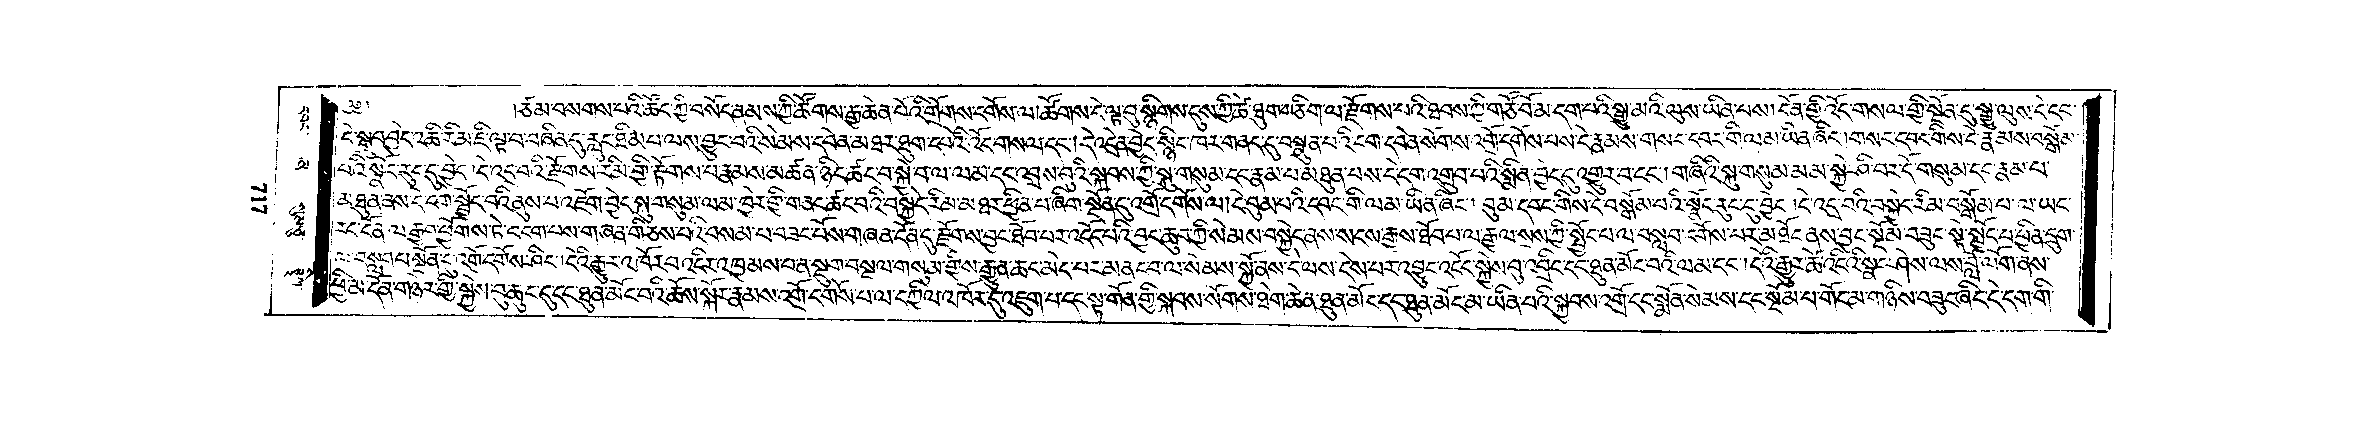༄༅། །ཙམ་བསགས་པའི་ཚོད་ཀྱི་བསོད་ནམས་ཀྱི་ཚོགས་རྒྱ་ཆེན་པོའི་གྲོགས་དགོས་ལ། ཚོགས་དེ་ལྟ་བུ་སྙིགས་དུས་ཀྱི་ཚེ་ཐུག་གཅིག་ལ་རྫོགས་པའི་ཐབས་ཀྱི་གཙོ་བོ་མ་དག་པའི་སྒྱུ་མའི་ལུས་ཡིན་པས། དོན་གྱི་འོད་གསལ་གྱི་སྔོན་དུ་སྒྱུ་ལུས་དེ་དང་
དེ་སྒྲུབ་བྱེད་འཆི་རིམ་ཇི་ལྟ་བ་བཞིན་དུ་རླུང་ཐིམ་པ་ལས་བྱུང་བའི་སེམས་དབེན་མཐར་ཐུག་དཔེའི་འོད་གསལ་དང་། དེ་འདྲེན་བྱེད་སྙིང་ཁར་གནད་དུ་བསྣུན་པའི་ངག་དབེན་སོགས་འགྲོ་དགོས་པས་དེ་རྣམས་གསང་དབང་གི་ལམ་ཡིན་ཞིང་། གསང་དབང་གིས་དེ་རྣམས་བསྒོམ་
པའི་སྣོད་རུང་དུ་བྱེད། དེ་འདྲ་བའི་རྫོགས་རིམ་གྱི་རྟོགས་པ་རྣམས་མཚན་ཉིད་ཚང་བ་སྐྱེ་བ་ལ་ལམ་དང་འབྲས་བུའི་སྐབས་ཀྱི་སྐུ་གསུམ་དང་རྣམ་པ་མཐུན་པས་དེ་དག་འགྲུབ་པའི་སྨིན་བྱེད་དུ་འགྱུར་བ་དང་། གཞིའི་སྐུ་གསུམ་མམ་སྐྱེ་ཤི་བར་དོ་གསུམ་དང་རྣམ་པ་
མཐུན་ནས་དེ་དག་སྦྱོང་བའི་ནུས་པ་འཇོག་བྱེད་སྐུ་གསུམ་ལམ་ཁྱེར་གྱི་གནད་ཚང་བའི་བསྐྱེད་རིམ་མཐར་ཕྱིན་པ་ཞིག་སྔོན་དུ་འགྲོ་དགོས་ལ། དེ་བུམ་པའི་དབང་གི་ལམ་ཡིན་ཞིང་། བུམ་དབང་གིས་དེ་བསྒོམ་པའི་སྣོད་རུང་དུ་བྱེད། དེ་འདྲ་བའི་བསྐྱེད་རིམ་བསྒོམ་པ་ལ་ཡང་
རང་དོན་ལ་རྒྱབ་ཕྱོགས་ཏེ་བདག་པས་གཞན་གཅིས་པའི་བསམ་པ་བཟང་པོས་གཞན་དོན་དུ་རྫོགས་བྱང་ཐོབ་པར་འདོད་པའི་བྱང་ཆུབ་ཀྱི་སེམས་བསྐྱེད་ནས་སངས་རྒྱས་ཐོབ་པ་ལ་རྒྱལ་སྲས་ཀྱི་སྤྱོང་པ་ལ་བསླབ་དགོས་པར་མཐོང་ནས་བྱང་སྡོམ་བཟུང་སྟེ་སྤྱོད་པ་ཕྱིན་དྲུག་
ལ་བསླབ་པ་སྔོན་དུ་འགྲོ་དགོས་ཤིང་། དེའི་རྒྱུར་འཁོར་བ་འདིར་འཁྱམས་པ་ན་སྡུག་བསྔལ་གསུམ་གྱིས་རྒྱུན་ཆད་མེད་པར་མན་ང་བ་ལ་སེམས་སྐྱོ་ནས་དེ་ལས་དེས་པར་འབྱུང་འདོད་སྐྱེས་བུ་འབྲིང་དང་ཐུན་མོང་བའི་ལམ་དང་། དེའི་རྒྱུར་ཚེ་འདིའི་སྣང་ཤེས་ལས་བློ་ལོག་ནས་
ཕྱི་མ་དོན་གཉེར་གྱི་སྐྱེས་བུ་ཆུང་ངུ་དང་ཐུན་མོང་བའི་ཆོས་སྐོར་རྣམས་འགྲོ་དགོས་པ་ལ་དཀྱིལ་འཁོར་དུ་འཇུག་པ་དང་སྟ་གོན་གྱི་སྐབས་སོགས་ཐེག་ཆེན་ཐུན་མོང་དང་ཐུན་མོང་མ་ཡིན་པའི་སྐྱབས་འགྲོ་དང་སྨོན་སེམས་དང་སྡོམ་པ་གོང་མ་གཉིས་བཟུང་ཞིང་དེ་དག་གི་